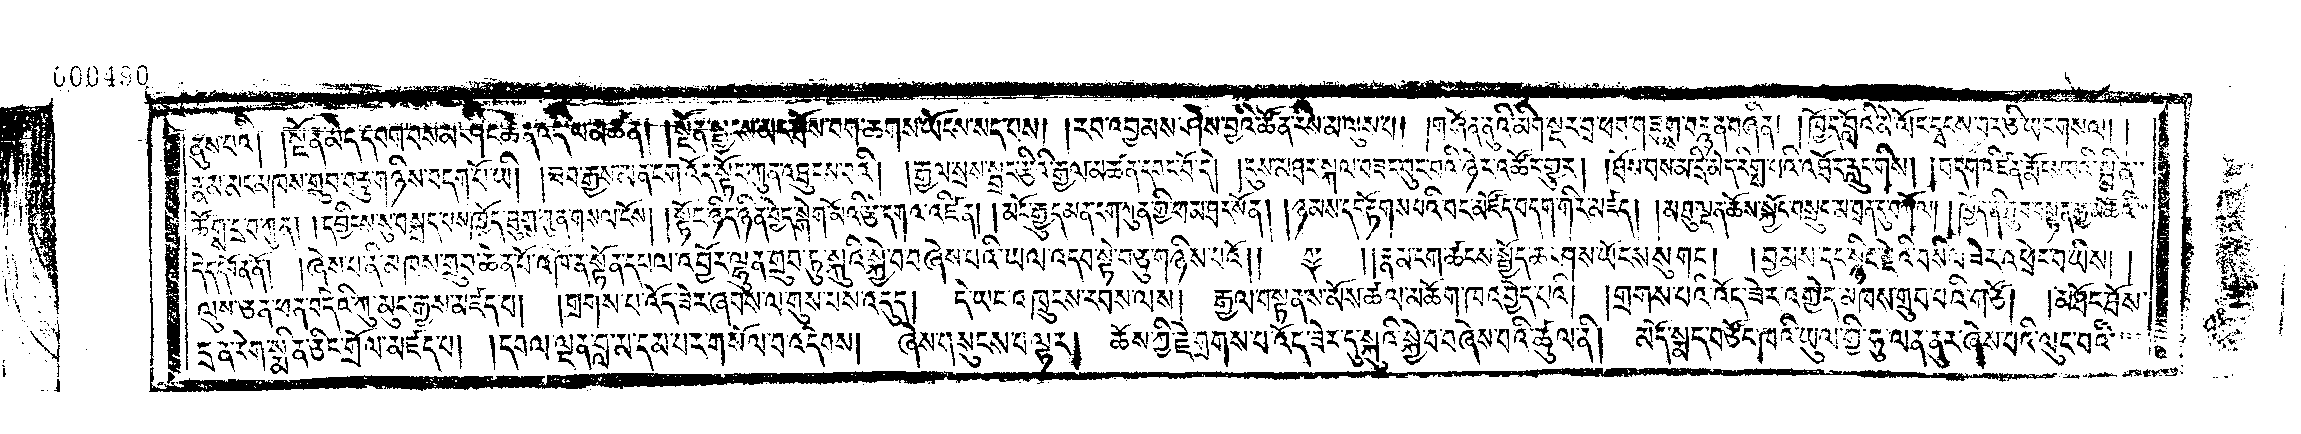ནུས་པའི། །སྔོན་མེད་དཔག་བསམ་ཤིང་ཆེན་འདི་ཡ་མཚན། །སྔོན་སྦྱངས་མང་ཐོས་བག་ཆགས་ཡོངས་སད་པས། །རབ་འབྱམས་ཤེས་བྱའི་ཚོན་རིས་མ་ལུས་པ། །གཞོན་ནུའི་མིག་སྔར་པྲ་ཕབ་གཟུགས་བརྙན་བཞིན། །ཁྱོད་བློའི་མེ་ལོང་དྭངས་པར་ཅི་ཡང་གསལ། །
རྣམ་མང་མཁས་གྲུབ་བཅུ་གཉིས་བདག་པོ་ཡི། །ཟབ་རྒྱས་མན་ངག་འོད་སྟོང་ཀུན་འཐུངས་པའི། །རྒྱལ་སྲས་སྦྲང་རྩིའི་རྒྱལ་མཚན་དབང་པོ་དེ། །དུས་མཐར་སྐལ་བཟང་བུང་བའི་ཉེར་འཚོར་གྱུར། །ཐོས་བསམ་དྲི་མེད་རིགས་པའི་འཐོར་རླུང་གིས། །བདག་འཛིན་རྨོངས་པའི་སྤྲིན་
ཚོགས་དྲ་བ་ཀུན། །དབྱིངས་སུ་བསྐྲད་པས་ཁྱོད་ཐུགས་ཀུན་གསལ་ངོས། །སྟོང་ཉིད་ཉིན་བྱེད་སྒེག་མོའི་རྩེ་དགའ་འཛིན། །མདོ་རྒྱུད་མན་ངག་ཀུན་གྱི་ཕ་མཐར་སོན། །ཉམས་དང་རྟོགས་པའི་བང་མཛོད་བདག་གིར་མཛད། །མཐུ་ལྡན་ཆོས་སྐྱོང་བསྲུང་མ་བྲན་དུ་བཀོལ། །ཁྱོད་ནི་ཐུབ་བསྟན་རྒྱ་མཚོའི་
དེད་དཔོན་ནོ། །ཞེས་པ་ནི་མཁས་གྲུབ་ཆེན་པོ་འཁོན་སྟོན་དཔལ་འབྱོར་ལྷུན་གྲུབ་ཏུ་སྐུའི་སྐྱེ་བ་བཞེས་པའི་ཡལ་འདབ་སྟེ་བཅུ་གཉིས་པའོ།། ༈ །།རྣམ་དག་ཚངས་སྤྱོད་ཆ་ཤས་ཡོངས་སུ་གང་། །བྱམས་དང་སྙིང་རྗེའི་བསིལ་ཟེར་འཕྲེང་བ་ཡིས། །
ལུས་ཅན་ཕན་བདེའི་ཀུ་མུད་རྒྱས་མཛད་པ། །གྲགས་པ་འོད་ཟེར་ཞབས་ལ་གུས་པས་འདུད། དེ་ཡང་འཁྲུངས་རབས་ལས། རྒྱལ་བསྟན་ས་མོས་ཚལ་མཆོག་ཁ་འབྱེད་པའི། །གྲགས་པའི་འོད་ཟེར་འགྱེད་མཁས་གྲུབ་པའི་གཙོ། །མཐོང་ཐོས་
དྲན་རིག་སྨིན་ཅིང་གྲོལ་མཛད་པ། །དཔལ་ལྡན་བླ་མ་དམ་པར་གསོལ་བ་འདེབས། ཞེས་གསུངས་པ་ལྟར། ཆོས་ཀྱི་རྗེ་གྲགས་པ་འོད་ཟེར་དུ་སྐུའི་སྐྱེ་བ་བཞེས་པའི་ཚུལ་ནི། མདོ་སྨད་བཙོང་ཁའི་ཡུལ་གྱི་ཧུ་ལན་ནུ་ར་ཞེས་པའི་ལུང་བའི་